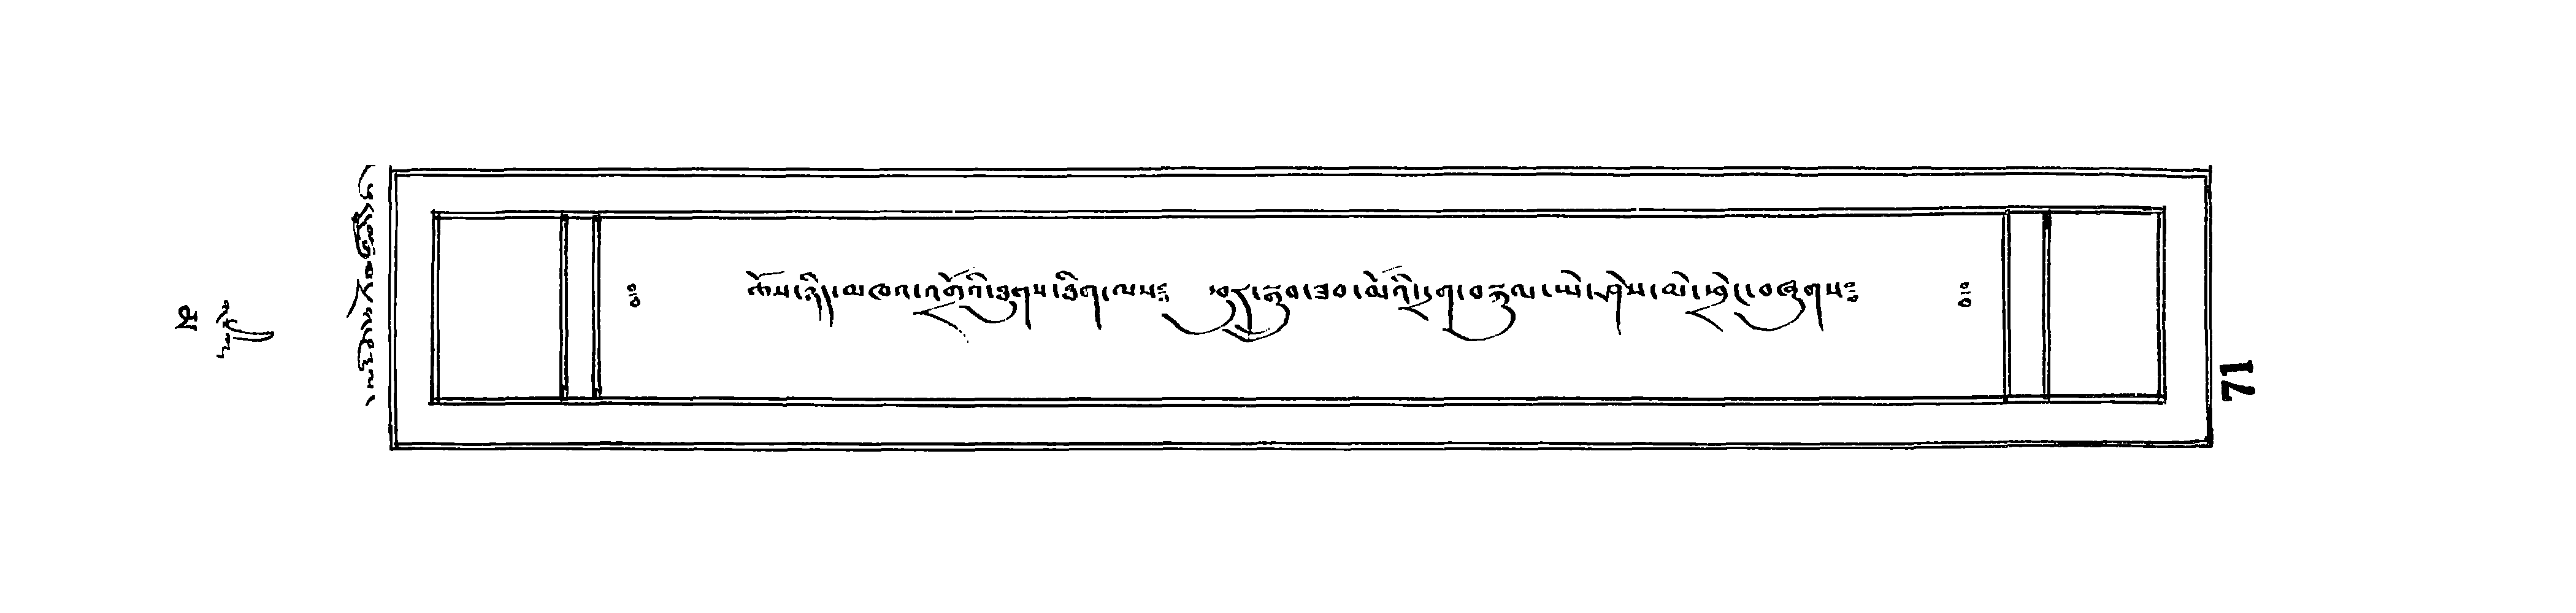ཆོས་ཉིད་མཁའ་འགྲོའི་ཐུགས་ཐིག་ལས༔ ཕུར་སྒྲུབ་ཟབ་མོའི་དྲག་བསྐུལ་ཡེ་ཤེས་མེ་ཕྲེང་བཞུགས༔